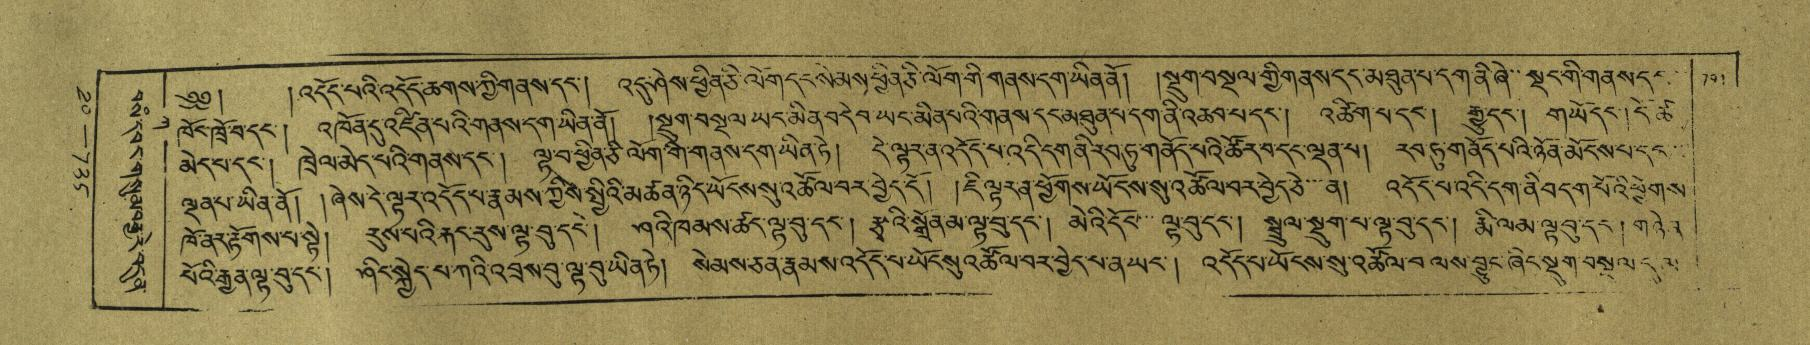༄༅། །འདོད་པའི་འདོད་ཆགས་ཀྱི་གནས་དང་། འདུ་ཤེས་ཕྱིན་ཅི་ལོག་དང་སེམས་ཕྱིན་ཅི་ལོག་གི་གནས་དག་ཡིན་ནོ། །སྡུག་བསྔལ་གྱི་གནས་དང་མཐུན་པ་དག་ནི་ཞེ་སྡང་གི་གནས་དང་
ཁོང་ཁྲོ་བ་དང་། འཁོན་དུ་འཛིན་པའི་གནས་དག་ཡིན་ནོ། །སྡུག་བསྔལ་ཡང་མིན་བདེ་བ་ཡང་མིན་པའི་གནས་དང་མཐུན་པ་དག་ནི་འཆབ་པ་དང་། འཚིག་པ་དང་། རྒྱུ་དང་། གཡོ་དང་། ངོ་ཚ་
མེད་པ་དང་། ཁྲེལ་མེད་པའི་གནས་དང་། ལྟ་བ་ཕྱིན་ཅི་ལོག་གི་གནས་དག་ཡིན་ཏེ། དེ་ལྟར་ན་འདོད་པ་འདི་དག་ནི་རབ་ཏུ་གནོད་པའི་ཚོར་བ་དང་ལྡན་པ། རབ་ཏུ་གནོད་པའི་ཉོན་མོངས་པ་དང་
ལྡན་པ་ཡིན་ནོ། །ཞེས་དེ་ལྟར་འདོད་པ་རྣམས་ཀྱིས་སྤྱིའི་མཚན་ཉིད་ཡོངས་སུ་འཚོལ་བར་བྱེད་དོ། །ཇི་ལྟར་ན་ཕྱོགས་ཡོངས་སུ་འཚོལ་བར་བྱེད་ཅེ་ན། འདོད་པ་འདི་དག་ནི་བདག་པོའི་ཕྱོགས་
ཁོ་ནར་རྟོགས་པ་སྟེ། རུས་པའི་རྐང་རུས་ལྟ་བུ་དང་། ཤའི་ཁམས་ཚད་ལྟ་བུ་དང་། རྩྭའི་སྒྲོན་མ་ལྟ་བུ་དང་། མེའི་དོང་ལྟ་བུ་དང་། སྦྲུལ་སྡུག་པ་ལྟ་བུ་དང་། རྨི་ལམ་ལྟ་བུ་དང་། གཉེན་
པོའི་རྒྱན་ལྟ་བུ་དང་། ཤིང་སྐྱེད་པ་ཀའི་འབྲས་བུ་ལྟ་བུ་ཡིན་ཏེ། སེམས་ཅན་རྣམས་འདོད་པ་ཡོང་སུ་འཚོལ་བར་བྱེད་པ་ན་ཡང་། འདོད་པ་ཡོངས་སུ་འཚོལ་བ་ལས་བྱུང་ཞིང་སྡུག་བསྔལ་དུ་མ་